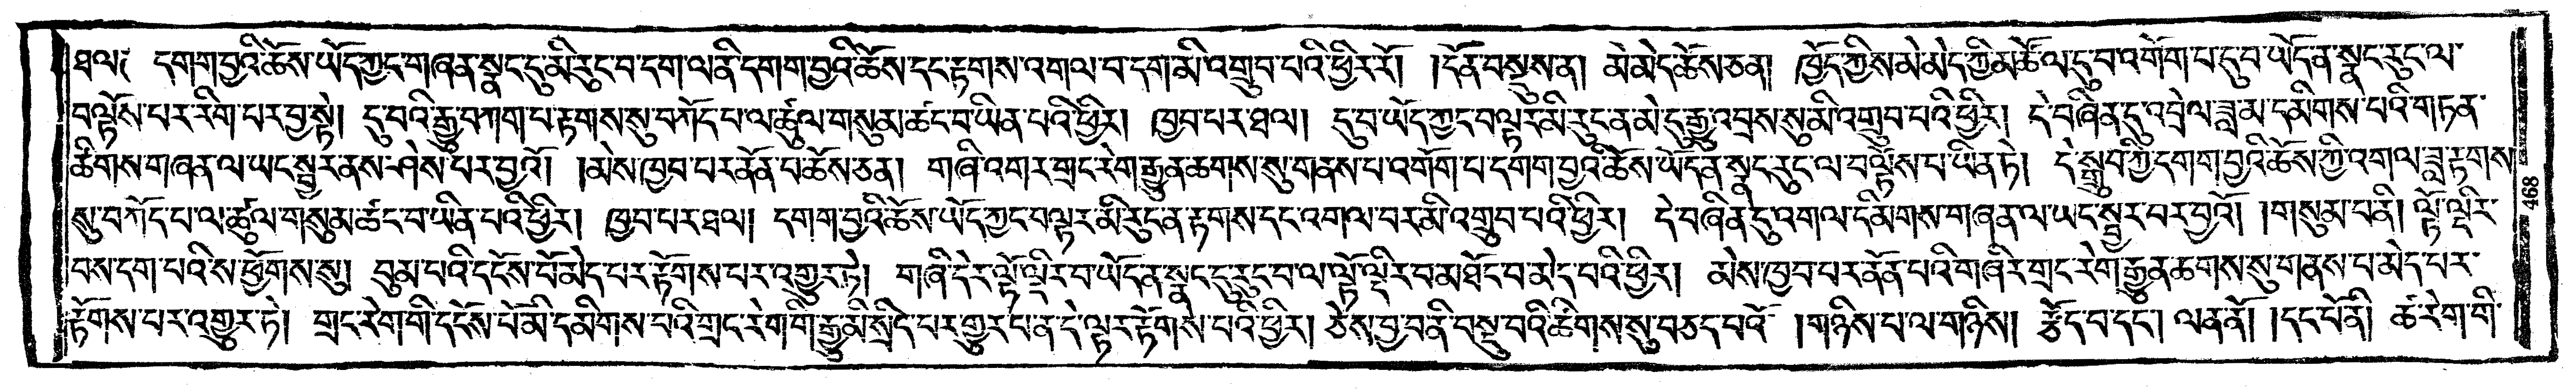ཐལ། དགག་བྱའི་ཆོས་ཡོད་ཀྱང་གཞན་སྣང་དུ་མི་རུང་བ་དག་ལ་ནི་དགག་བྱའི་ཆོས་དང་རྟགས་འགལ་བ་དག་མི་འགྲུབ་པའི་ཕྱིར་རོ། །དོན་བསྡུས་ན། མེ་མེད་ཆོས་ཅན། ཁྱོད་ཀྱིས་མེ་མེད་ཀྱི་མཚོ་ལ་དུ་བ་འགོག་པ་དུ་བ་ཡོད་ན་སྣང་རུང་ལ་
བལྟོས་པར་རིག་པར་བྱ་སྟེ། དུ་བའི་རྒྱུ་བཀག་པ་རྟགས་སུ་བཀོད་པ་ལ་ཚུལ་གསུམ་ཚང་བ་ཡིན་པའི་ཕྱིར། ཁྱབ་པར་ཐལ། དུ་བ་ཡོད་ཀྱང་བལྟར་མི་རུང་ན་མེ་དུ་རྒྱུ་འབྲས་སུ་མི་འགྲུབ་པའི་ཕྱིར། དེ་བཞིན་དུ་འབྲེལ་ཟླ་མ་དམིགས་པའི་གཏན་
ཚིགས་གཞན་ལ་ཡང་སྦྱར་ནས་ཤེས་པར་བྱའོ། །མེས་ཁྱབ་པར་ནོན་པ་ཆོས་ཅན། གཞི་འགར་གྲང་རེག་རྒྱུན་ཆགས་སུ་གནས་པ་འགོག་པ་དགག་བྱའི་ཆོས་ཡོད་ན་སྣང་རུང་ལ་བལྟོས་པ་ཡིན་ཏེ། དེ་སྒྲུབ་ཀྱི་དགག་བྱའི་ཆོས་ཀྱི་འགལ་ཟླ་རྟགས་
སུ་བཀོད་པ་ལ་ཚུལ་གསུམ་ཚང་བ་ཡིན་པའི་ཕྱིར། ཁྱབ་པར་ཐལ། དགག་བྱའི་ཆོས་ཡོད་ཀྱང་བལྟར་མི་རུང་ན་རྟགས་དང་འགལ་བར་མི་འགྲུབ་པའི་ཕྱིར། དེ་བཞིན་དུ་འགལ་དམིགས་གཞན་ལ་ཡང་སྦྱར་བར་བྱའོ། །གསུམ་པ་ནི། ལྟོ་ལྡིར་
པས་དག་པའི་ས་ཕྱོགས་སུ། བུམ་པའི་དངོས་པོ་མེད་པར་རྟོགས་པར་འགྱུར་ཏེ། གཞི་དེར་ལྟོ་ལྡིར་བ་ཡོད་ན་སྣང་དུ་རུང་བ་ལ་ལྟོ་ལྡིར་བ་མཐོང་བ་མེད་པའི་ཕྱིར། མེས་ཁྱབ་པར་ནོན་པའི་གཞིར་གྲང་རེག་རྒྱུན་ཆགས་སུ་གནས་པ་མེད་པར་
རྟོགས་པར་འགྱུར་ཏེ། གྲང་རེག་གི་དངོས་པོ་མི་དམིགས་པའི་གྲང་རེག་གི་རྒྱུ་མི་སྲིད་པར་གྱུར་བ་ན་དེ་ལྟར་རྟོགས་པའི་ཕྱིར། ཅེས་བྱ་བ་ནི་བསྡུ་བའི་ཚིགས་སུ་བཅད་པའོ། །གཉིས་པ་ལ་གཉིས། རྩོད་པ་དང་། ལན་ནོ། །དང་པོ་ནི། ཚ་རེག་གི་